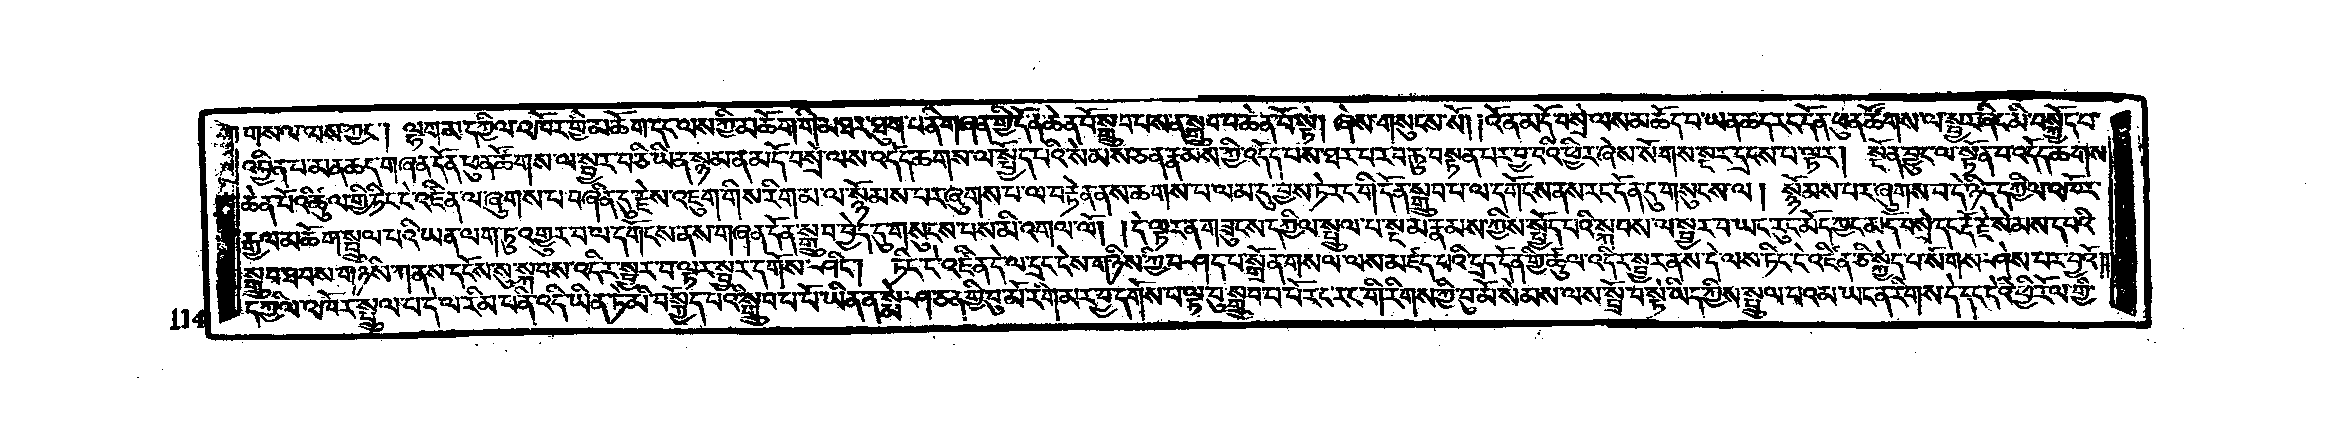གསལ་ལས་ཀྱང་། ལྷག་མ་དཀྱིལ་འཁོར་གྱི་མཆོག་དང་ལས་ཀྱི་མཆོག་གི་མཐར་ཐུག་པ་ནི་གཞན་གྱི་དོན་ཆེན་པོ་སྒྲུབ་པས་ན་སྒྲུབ་པ་ཆེན་པོ་སྟེ། ཞེས་གསུངས་སོ། །འོ་ན་མདོ་བསྲེ་ལས་མཆོད་པ་ཡན་ཆད་རང་དོན་ཕུན་ཚོགས་ལ་སྦྱར་ཞིང་མི་བསྐྱོད་པ་
འབྱིན་པ་མན་ཆད་གཞན་དོན་ཕུན་ཚོགས་ལ་སྦྱར་བ་ཅི་ཡིན་སྙམ་ན་མདོ་བསྲེ་ལས་འདོད་ཆགས་ལ་སྤྱོད་པའི་སེམས་ཅན་རྣམས་ཀྱི་འདོད་པས་ཐར་པ་རབ་ཏུ་བསྟན་པར་བྱ་བའི་ཕྱིར་ཞེས་སོགས་སྔར་དྲངས་པ་ལྟར། སྔོན་བྱུང་ལ་སྟོན་པ་འདོད་ཆགས་
ཆེན་པོའི་ཚུལ་གྱི་ཏིང་ངེ་འཛིན་ལ་ཞུགས་པ་བཞིན་དུ་རྗེས་འཇུག་གིས་རིག་མ་ལ་སྙོམས་པར་ཞུགས་པ་ལ་བརྟེན་ནས་ཆགས་པ་ལམ་དུ་བྱས་ཏེ་རང་གི་དོན་སྒྲུབ་པ་ལ་དགོངས་ནས་རང་དོན་དུ་གསུངས་ལ། སྙོམས་པར་ཞུགས་པ་དེ་ཉིད་དཀྱིལ་འཁོར་
རྒྱལ་མཆོག་སྤྲུལ་པའི་ཡན་ལག་ཏུ་འགྱུར་བ་ལ་དགོངས་ནས་གཞན་དོན་སྒྲུབ་བྱེད་དུ་གསུངས་པས་མི་འགལ་ལོ། །དེ་ལྟར་ན་གཟུངས་དཀྱིལ་སྤྲུལ་པ་སྔ་མ་རྣམས་ཀྱིས་སྤྱོད་པའི་སྐབས་ལ་སྦྱར་བ་ཡང་རུང་མོད་ཀྱང་མདོ་བསྲེ་དང་རྡོ་རྗེ་སེམས་དཔའི་
སྒྲུབ་ཐབས་གཉིས་ཀ་ནས་དངོས་སུ་སྐབས་འདིར་སྦྱར་བ་ལྟར་སྦྱར་དགོས་ཤིང་། ཏིང་ངེ་འཛིན་དེ་ལ་དྲང་ངེས་གཉིས་ཀྱི་བཤད་པ་སྒྲོན་གསལ་ལས་མཛད་པའི་དྲང་དོན་གྱི་ཚུལ་འདིར་སྦྱར་ནས་དེ་ཡི་ལས་ཏིང་ངེ་འཛིན་ཅི་སྐྱེད་པ་སོགས་ཤེས་པར་བྱའོ། །
དཀྱིལ་འཁོར་སྤྲུལ་པ་དེ་ལ་རིམ་པ་ནི་འདི་ཡིན་ཏེ་མི་བསྐྱོད་པའི་སྤྲུལ་པ་པོ་ཡིན་ན་སྨེ་ཤ་ཅན་གྱི་བུ་མོ་རིག་མར་བྱ་དགོས་པ་ལྟ་བུ་སྒྲུབ་པ་པོ་རང་རང་གི་རིགས་ཀྱི་བུ་མོ་སེམས་ལས་སྤྲོ་བ་སྟེ་ཡིད་ཀྱིས་སྤྲུལ་པའམ་ཡང་ན་རིགས་དེ་དང་དེའི་ཕྱི་རོལ་གྱི་